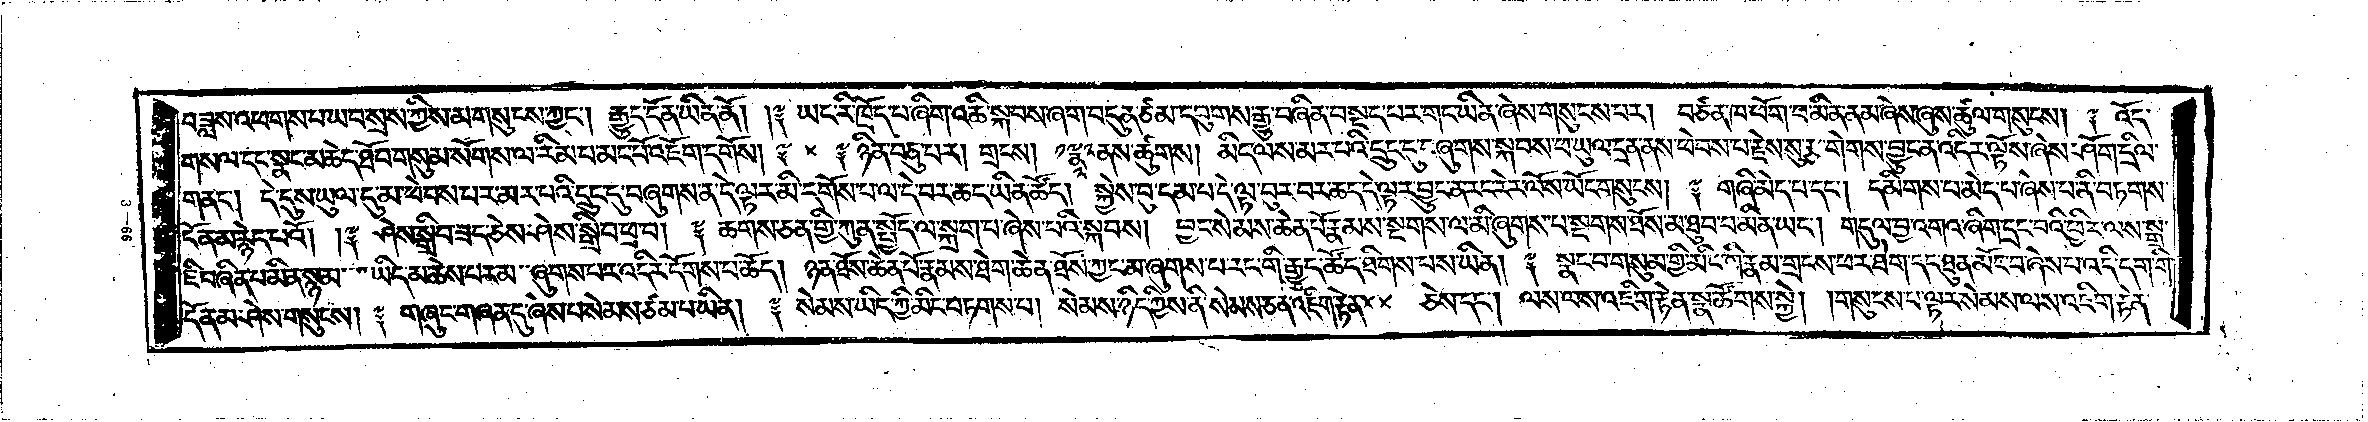བཟླས་འཕགས་པ་ཡབ་སྲས་ཀྱིས་མ་གསུངས་ཀྱང་། རྒྱུད་དོན་ཡིན་ནོ། །༈ ཡང་རི་ཁྲོད་པ་ཞིག་འཆི་སྐབས་ཞག་བདུན་ཙམ་དབུགས་རྒྱུ་བཞིན་བསྡད་པར་གང་ཡིན་ཞེས་གསུངས་པར། བཙན་ཁ་ཕོག་པ་མིན་ནམ་ཞེས་ཞུས་ཚུལ་གསུངས། ༈ འོད་
གསལ་དང་སྣང་མཆེད་ཐོབ་གསུམ་སོགས་ལ་རིམ་པ་མང་པོ་འཇོག་དགོས། ༈ ྾་༈ ཉིན་བཅུ་པར། གྲངས། ༡༧༢ན༢་ནས་ཚུགས། མིད་ལས་མར་པའི་དྲུང་དུ་བཞུགས་སྐབས་ཕ་ཡུལ་དྲན་ནས་ཕེབས་པ་རྗེས་སུ་རྩ་གེགས་བྱུང་ན་འདིར་ལྟོས་ཞེས་ཤོག་དྲིལ་
གནང་། དེ་དུས་ཡུལ་དུ་མ་ཕེབས་པར་མར་པའི་དྲུང་དུ་བཞུགས་ན་དེ་ལྟར་མི་དགོས་པ་ལ་དེ་བར་ཆང་ཡིན་ཚོད། སྐྱེས་བུ་དམ་པ་དེ་ལྟ་བུར་བར་ཆད་དེ་ལྟར་བྱུང་ན་རང་རེར་ལོས་ཡོང་གསུངས། ༈ གཞི་མེད་པ་དང་། དམིགས་པ་མེད་པ་ཞེས་པ་ནི་བཏགས་
དོན་མ་རྙེད་པའོ། །༈ ཤེས་སྒྲིབ་ཟད་ཅེས་ཤེས་སྒྲིབ་ཕྲ་བ། ༈ ཆགས་ཅན་གྱི་ཀུན་སྤྱོད་ལ་སྐྲག་པ་ཞེས་པའི་སྐབས། བྱང་སེམས་ཆེན་པོ་རྣམས་སྔགས་ལ་མི་ཞུགས་པ་སྔགས་ཐོས་མ་ཐུབ་པ་མིན་ཡང་། གདུལ་བྱ་འགའ་ཞིག་དྲང་བའི་ཕྱིར་ལས་སྒྲ་
ཇི་བཞིན་པ་མིན་སྙམ་ཡིད་མ་ཆེས་པར་མ་ཞུགས་པར་འདིར་དོགས་པ་ཆོད། ཉན་ཐོས་ཆེན་པོ་རྣམས་ཐེག་ཆེན་ཐོས་ཀྱང་མ་ཞུགས་པ་རང་གི་རྒྱུད་ཚོད་ཐིགས་པས་ཡིན། ༈ སྣང་བ་གསུམ་གྱི་མིང་གི་རྣམ་གྲངས་ཕར་ཐེག་དང་ཐུན་མོང་བ་ཞེས་པ་འདི་དག་གི་
དོན་མ་ཤེས་གསུངས། ༈ གཞུང་གཞན་དུ་ཞེས་པ་སེམས་ཙམ་པ་ཡིན། ༈ སེམས་ཡིད་ཀྱི་མིང་བཏགས་པ། སེམས་ཉིད་ཀྱིས་ནི་སེམས་ཅན་འཇིག་རྟེན྾྾་ཅེས་དང་། ལས་ལས་འཇིག་རྟེན་སྣ་ཚོགས་སྐྱེ། །གསུངས་པ་ལྟར་སེམས་ལས་འཇིག་རྟེན་